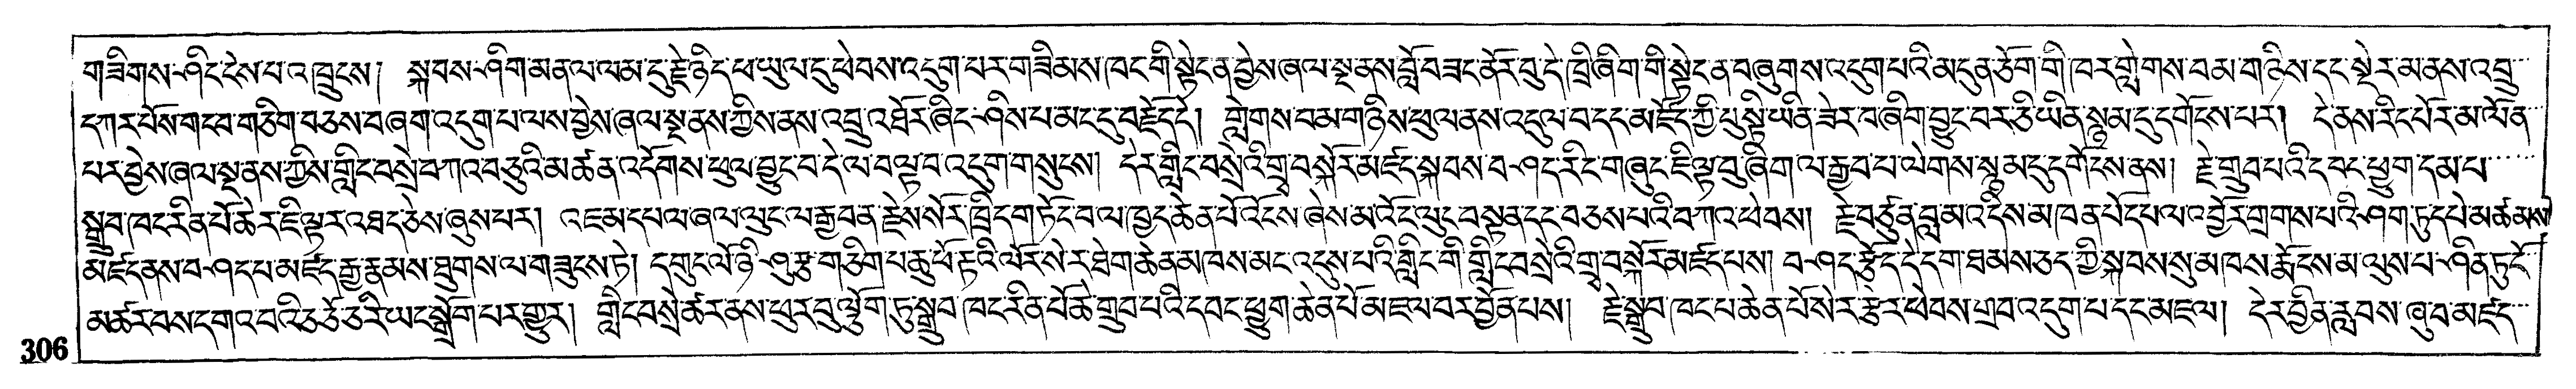གཟིགས་ཤིང་ངེས་པ་འཁྲུངས། སྐབས་ཤིག་མན་ལ་ལམ་དུ་རྗེ་ཉིད་ཕ་ཡུལ་དུ་ཕེབས་འདུག་པར་གཟིམས་ཁང་གི་སྟེང་ན་བྱེས་ཞལ་སྔ་ནས་བློ་བཟང་ནོར་བུ་དེ་ཁྲི་ཞིག་གི་སྟེང་ན་བཞུགས་འདུག་པའི་མདུན་ཅོག་གི་ཁར་གླེགས་བམ་གཉིས་དང་སྡེར་མནས་འབྲུ་
དཀར་པོས་གང་བ་གཅིག་བཅས་བཞག་འདུག་པ་ལས་བྱེས་ཞལ་སྔ་ནས་ཀྱིས་ནས་འབྲུ་འཐོར་ཞིང་ཤིས་པ་མང་དུ་བརྗོད་དེ། གླེགས་བམ་གཉིས་ཕུལ་ནས་འདུལ་བ་དང་མཛོད་ཀྱི་པུ་སྟི་ཡིན་ཟེར་བ་ཞིག་བྱུང་བར་ཅི་ཡིན་སྙམ་དུ་དགོངས་པར། དེ་ནས་རིང་པོར་མ་ལོན་
པར་བྱེས་ཞལ་སྔ་ནས་ཀྱིས་གླིང་བསྲེ་དཀའ་བཅུའི་མཚན་འདོགས་ཕུལ་བྱུང་བདེ་ལ་བལྟབ་འདུག་གསུངས། དེར་གླིང་བསྲེའི་གྲྭ་བསྐོར་མཛད་སྐབས་བཤད་རིང་གཞུང་ཇི་ལྟ་བུ་ཞིག་ལ་རྒྱབ་པ་ལེགས་སྙམ་དུ་དགོངས་ནས། རྗེ་གྲུབ་བའི་དབང་ཕྱུག་དམ་པ་
སྒྲུབ་ཁང་རིན་པོ་ཆེར་ཇི་ལྟར་འཐད་ཅེས་ཞུས་པར། འཇམ་དཔལ་ཞལ་ལུང་ལ་རྒྱབ་ན་རྗེས་སོར་ཁྲིད་གཏོང་བ་ལ་ཁྱད་ཆེན་པོ་འོངས་ཞེས་མ་འོང་ལུང་བསྟན་དང་བཅས་པའི་བཀའ་ཕེབས། རྗེ་བཙུན་བླ་མ་འདིས་མཁན་པོ་དཔལ་འབྱོར་གྲགས་པའི་ཤག་ཏུ་དཔེ་མཚམས་
མཛད་ནས་བཤད་པ་མཛད་རྒྱུ་རྣམས་ཐུགས་ལ་གཟུངས་ཏེ། དགུང་ལོ་ཉི་ཤུ་རྩ་གཅིག་པ་ཆུ་ཕོ་རྟའི་ལོར་སེར་ཐེག་ཆེན་མཁས་མང་འདུས་པའི་གླིང་གི་གླིང་བསྲེའི་གྲྭ་བསྐོར་མཛད་པས། བཤད་རྩོད་དེ་དག་ཐམས་ཅད་ཀྱི་སྐབས་སུ་མཁས་རྨོངས་མ་ལུས་པ་ཤིན་ཏུ་ངོ་
མཚར་བས་དགའ་བའི་ཅ་ཅོ་ཅ་རི་ཡང་སྒྲོག་པར་གྱུར། གླིང་བསྲེ་ཚར་ནས་ཕུར་བུ་ལྕོག་ཏུ་སྒྲུབ་ཁང་རིན་པོ་ཆེ་གྲུབ་པའི་དབང་ཕྱུག་ཆེན་པོ་མཇལ་བར་བྱོན་པས། རྗེ་སྒྲུབ་ཁང་པ་ཆེན་པོ་སེར་རྩེར་ཕེབས་གྲབ་འདུག་པ་དང་མཇལ། དེར་བྱིན་རླབས་ཞུ་བ་མཛད་